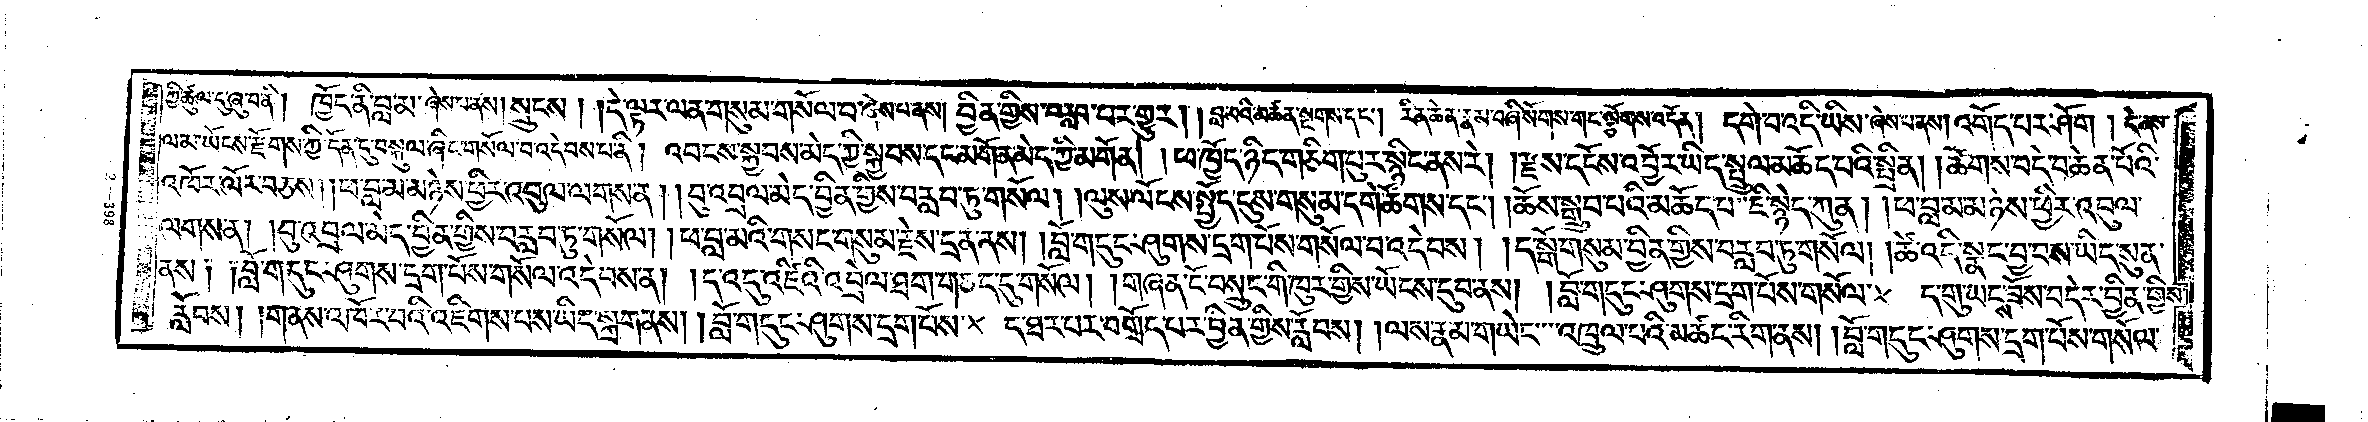ཀྱི་ཚུལ་དུ་ཞུ་བ་ནི། ཁྱོད་ནི་བླ་མ་ཞེས་པ་ནས།  སྲུངས། །དེ་ལྟར་ལན་གསུམ་གསོལ་བ་ཞེས་པ་ནས།  བྱིན་གྱིས་བརླབ་པར་གྱུར། །བླ་མའི་མཚན་སྔགས་དང་། རིན་ཆེན་རྣམ་བཞི་སོགས་གང་ལྕོགས་འདོན།  དགེ་བ་འདི་ཡིས་ཞེས་པ་ནས།  འགོད་པར་ཤོག །དེ་ནས་
ལམ་ཡོངས་རྫོགས་ཀྱི་དོན་དུ་བསྐུལ་ཞིང་གསོལ་བ་འདེབས་པ་ནི། འབངས་སྐྱབས་མེད་ཀྱི་སྐྱབས་དང་མགོན་མེད་ཀྱི་མགོན། །ཕ་ཁྱོད་ཉིད་གཅིག་པུར་སྙིང་ནས་རེ། །རྫས་དངོས་འབྱོར་ཡིད་སྤྲུལ་མཆོད་པའི་སྤྲིན། །ཚོགས་བདེ་བ་ཆེན་པོའི་
འཁོར་ལོར་བཅས། །ཕ་བླ་མ་མཉེས་ཕྱིར་འབུལ་ལགས་ན། །བུ་འབྲལ་མེད་བྱིན་གྱིས་བརླབ་ཏུ་གསོལ། །ལུས་ལོངས་སྤྱོད་དུས་གསུམ་དགེ་ཚོགས་དང་། །ཆོས་སྒྲུབ་པའི་མཆོད་པ་ཇི་སྙེད་ཀུན། །ཕ་བླ་མ་མཉེས་ཕྱིར་འབུལ་
ལགས་ན། །བུ་འབྲལ་མེད་བྱིན་གྱིས་བརླབ་ཏུ་གསོལ། །ཕ་བླ་མའི་གསང་གསུམ་རྗེས་དྲན་ནས། །བློ་གདུང་ཤུགས་དྲག་པོས་གསོལ་བ་འདེབས། །ད་སྒོ་གསུམ་བྱིན་གྱིས་བརླབ་ཏུ་གསོལ། །ཚེ་འདི་སྣང་བྱ་བས་ཡིད་སུན་
ནས༑ ༑བློ་གདུང་ཤུགས་དྲག་པོས་གསོལ་འདེབས་ན། །ད་འདུ་འཛིའི་འབྲེལ་ཐག་གཅད་དུ་གསོལ། །གཞན་ངོ་བསྲུང་གི་ཁུར་གྱིས་ཡོངས་དུབ་ནས། །བློ་གདུང་ཤུགས་དྲག་པོས་གསོལ྾་ད་གུ་ཡངས་ཟོས་བདེར་བྱིན་གྱིས་
རློབས། །གནས་འཁོར་བའི་འཇིགས་པས་ཡིད་སྐྲག་ནས། །བློ་གདུང་ཤུགས་དྲག་པོས྾་ད་ཐར་པར་བགྲོད་པར་བྱིན་གྱིས་རློབས། །ལས་རྣམ་གཡེང་འཁྲུལ་པའི་མཚང་རིག་ནས། །བློ་གདུང་ཤུགས་དྲག་པོས་གསོལ་